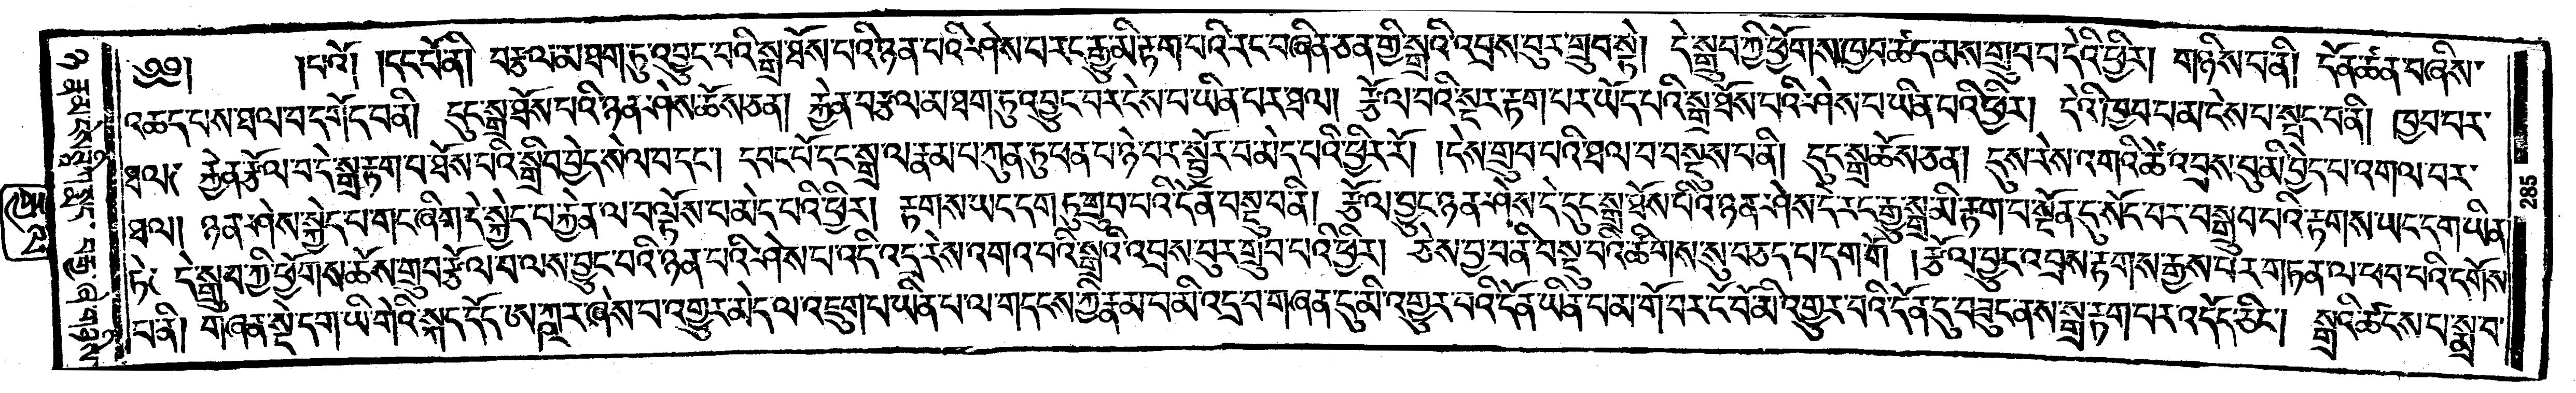༄༅། །པའོ། །དང་པོ་ནི། བརྩལ་མ་ཐག་ཏུ་འབྱུང་བའི་སྒྲ་ཐོས་པའི་ཉན་པའི་ཤེས་པ་རང་རྒྱུ་མི་རྟག་པའི་རང་བཞིན་ཅན་གྱི་སྒྲའི་འབྲས་བུར་གྲུབ་སྟེ། དེ་སྒྲུབ་ཀྱི་ཕྱོགས་ཁྱབ་ཚད་མས་གྲུབ་པ་དེའི་ཕྱིར། གཉིས་བ་ནི། དོན་ཚན་བཞིས་
འཆད་པས་ཐལ་བ་དགོད་བ་ནི། དུང་སྒྲ་ཐོས་པའི་ཉན་ཤེས་ཆོས་ཅན། རྐྱེན་བརྩལ་མ་ཐག་ཏུ་འབྱུང་བར་ངེས་པ་ཡིན་པར་ཐལ། རྩོལ་བའི་སྔར་རྟག་པར་ཡོད་པའི་སྒྲ་ཐོས་པའི་ཤེས་པ་ཡིན་པའི་ཕྱིར། དེའི་ཁྱབ་པ་མ་ངེས་པ་སྤང་བ་ནི། ཁྱབ་པར་
ཐལ༑ རྐྱེན་རྩོལ་བ་དེ་སྒྲ་རྟག་པ་ཐོས་པའི་སྒྲིབ་བྱེད་སེལ་བ་དང་། དབང་པོ་དང་སྒྲ་ལ་རྣམ་པ་ཀུན་ཏུ་ཕན་པ་ཉེ་བར་སྦྱོར་བ་མེད་པའི་ཕྱིར་རོ། །ངེས་གྲུབ་པའི་ཐལ་བ་བསྡུས་པ་ནི། དུང་སྒྲ་ཆོས་ཅན། དུས་རེས་འགའི་ཚེ་འབྲས་བུ་མི་བྱེད་པ་འགལ་བར་
ཐལ། ཉན་ཤེས་སྐྱེད་པ་གང་ཞིག་དེ་སྐྱེད་པ་རྐྱེན་ལ་བལྟོས་པ་མེད་པའི་ཕྱིར། རྟགས་ཡང་དག་ཏུ་གྲུབ་པའི་དོན་བསྡུ་བ་ནི། རྩོལ་བྱུང་ཉན་ཤེས་དེ་དུང་སྒྲ་ཐོས་པའི་ཉན་ཤེས་དེ་རང་རྒྱུ་སྒྲ་མི་རྟག་པ་སྔོན་དུ་སོང་བར་བསྒྲུབ་པའི་རྟགས་ཡང་དག་ཡིན་
ཏེ༑ དེ་སྒྲུབ་ཀྱི་ཕྱོགས་ཆོས་གྲུབ་རྩོལ་བ་ལས་བྱུང་བའི་ཉན་པའི་ཤེས་པ་འདི་འདྲ་རེས་འགའ་བའི་སྒྲའི་འབྲས་བུར་གྲུབ་པའི་ཕྱིར། ཅེས་བྱ་བ་ནི་བསྡུ་པའི་ཚིགས་སུ་བཅད་པ་དག་གོ། །རྩོལ་བྱུང་འབྲས་རྟགས་རྒྱས་པར་གཏན་ལ་ཕབ་པའི་དགོས་
པ་ནི། གཞན་སྡེ་དག་ཡི་གེའི་སྐད་དོད་ཨ་ཀྵར་ཞེས་བ་འགྱུར་མེད་ལ་འཇུག་པ་ཡིན་པ་ལ་གདངས་ཀྱི་རྣམ་པ་མི་འདྲ་བ་གཞན་དུ་མི་འགྱུར་བའི་དོན་ཡིན་པ་མ་གོ་བར་ངོ་བོ་མི་འགྱུར་བའི་དོན་དུ་བཟུང་ནས་སྒྲ་རྟག་པར་འདོད་ཅིང་། སྒྲའི་ཚངས་པ་སྨྲ་བ་